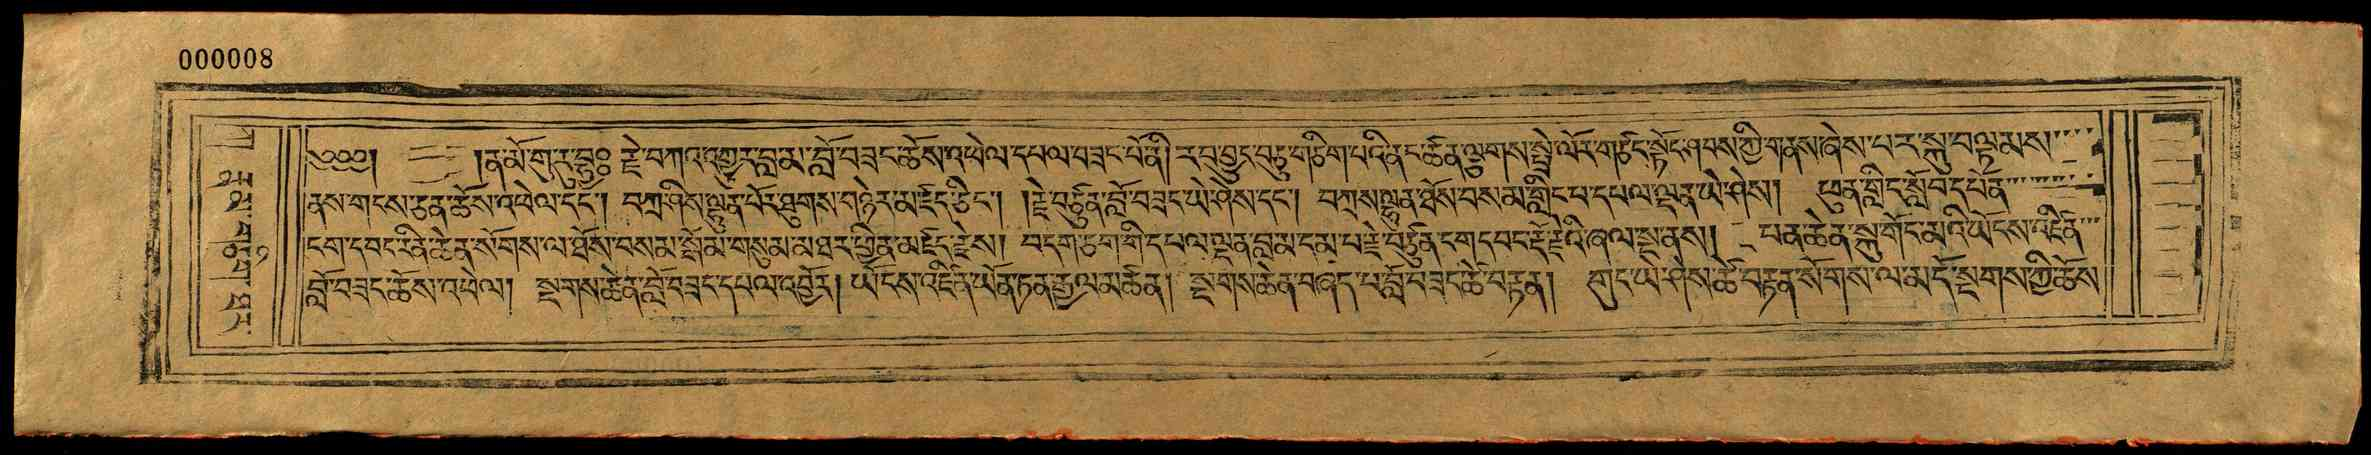༄༅༅། །ན་མོ་གུ་རུ་བྷྱཿ རྗེ་བཀའ་འགྱུར་བླ་མ་བློ་བཟང་ཆོས་འཕེལ་དཔལ་བཟང་པོ་ནི། རང་བྱུང་བཅུ་གཅིག་པའི་ནང་ཚན་ལྕགས་སྤྲེ་ལོར་གཙང་སྟོད་ཤབས་ཀྱི་གནས་ཞེས་པར་སྐུ་བལྟམས་
ནས་གངས་ཅན་ཆོས་འཕེལ་དང་། བཀྲ་ཤིས་ལྷུན་པོར་ཐུགས་གཏེར་མཛད་ཅིང་། །རྗེ་བཙུན་བློ་བཟང་ཡེ་ཤེས་དང་། བཀྲས་ལྷུན་ཐོས་བསམ་གླིང་པ་དཔལ་ལྡན་ཡེ་ཤེས། ཕུན་གླིང་སློབ་དཔོན་
ངག་དབང་རིན་ཆེན་སོགས་ལ་ཐོས་བསམ་སྒོམ་གསུམ་མཐར་ཕྱིན་མཛད་རྗེས། བདག་ཅག་གི་དཔལ་ལྡན་བླ་མ་དམ་པ་རྗེ་བཙུན་ངག་དབང་རྡོ་རྗེའི་ཞལ་སྔ་ནས། པཎ་ཆེན་པ་གོང་མའི་ཡོངས་འཛིན་
བློ་བཟང་ཆོས་འཕེལ། སྔགས་ཆེན་བློ་བཟང་དཔལ་འབྱོར། ཡོངས་འཛིན་ཡོན་ཏན་རྒྱལ་མཚན། སྔགས་ཆེན་བཞད་པ་བློ་བཟང་ཚེ་བརྟན། གུང་ཡེ་ཤེས་ཚེ་བརྟན་སོགས་ལ་མདོ་སྔགས་ཀྱི་ཆོས་